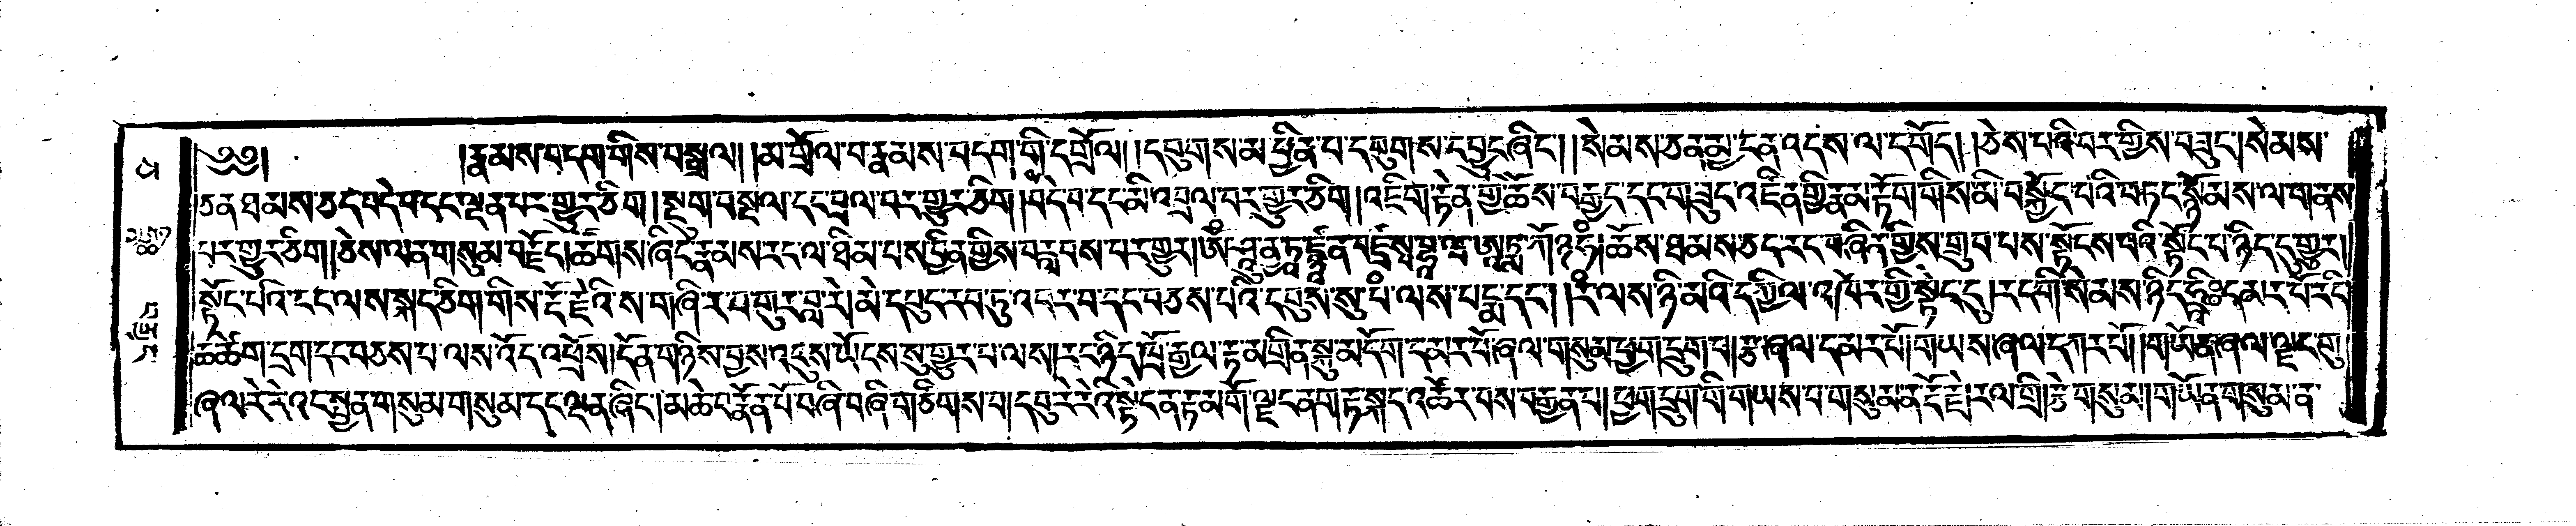༄༅། །རྣམས་བདག་གིས་བསྒྲལ། །མ་གྲོལ་བ་རྣམས་བདག་གི་དགྲོལ། །དབུགས་མ་ཕྱིན་པ་དབུགས་དབྱུང་ཞིང་། །སེམས་ཅན་མྱ་ངན་འདས་ལ་དགོད། །ཅེས་པའི་བར་གྱིས་བཟུང་། སེམས་
ཅན་ཐམས་ཅད་བདེ་བ་དང་ལྡན་པར་གྱུར་ཅིག །སྡུག་བསྔལ་དང་བྲལ་བར་གྱུར་ཅིག །བདེ་བ་དང་མི་འབྲལ་བར་གྱུར་ཅིག །འཇིག་རྟེན་གྱི་ཆོས་བརྒྱད་དང་གཟུང་འཛིན་གྱི་རྣམ་རྟོག་གིས་མི་བསྐྱོད་པའི་བཏང་སྙོམས་ལ་གནས་
པར་གྱུར་ཅིག །ཅེས་ལན་གསུམ་བརྗོད། ཚོགས་ཞིང་རྣམས་རང་ལ་ཐིམ་པས་བྱིན་གྱིས་བརླབས་པར་གྱུར། ཨོཾ་ཤཱུནྱ་ཏཱ་ཛྙཱ་ན་བཛྲ་སྭ་བྷཱ་ཝ་ཨཱཏྨ་ཀོ་ཉཧཾ། ཆོས་ཐམས་ཅད་རང་བཞིན་གྱིས་གྲུབ་པས་སྟོངས་པའི་སྟོང་པ་ཉིད་དུ་གྱུར།
སྟོང་པའི་ངང་ལས་སྐད་ཅིག་གིས་རྡོ་རྗེའི་ས་གཞིར་བ་གུར་བླ་རེ། མེ་དཔུང་རབ་ཏུ་འབར་བ་དང་བཅས་པའི་དབུས་སུ་བཾ་ལས་པདམ་དང་། །རཾ་ལས་ཉི་མའི་དཀྱིལ་འཁོར་གྱི་སྟེང་དུ། རང་གི་སེམས་ཉིད་ཧྲཱིཿ དམར་པོ་རིང་
ཆ་ཚེག་དྲག་དང་བཅས་པ་ལས་འོད་འཕྲོས། དོན་གཉིས་བྱས་འདུས་ཡོངས་སུ་གྱུར་པ་ལས། རང་ཉིད་ཁྲོ་རྒྱལ་རྟ་མགྲིན་སྐུ་མདོག་དམར་པོ་ཞལ་གསུམ་ཕྱག་དྲུག་པ། རྩ་ཞལ་དམར་པོ། གཡས་ཞལ་དཀར་པོ། །གཡོན་ཞལ་ལྗང་གུ་
ཞལ་རེ་རེའང་སྤྱན་གསུམ་གསུམ་དང་ལྡན་ཞིང་། མཆེ་བ་རྣོན་པོ་བཞི་བཞི་གཙིགས་པ། དབུ་རེ་རེའི་སྟེང་ན་རྟ་མགོ་ལྗང་ནག་རྟ་སྐད་འཚེར་བས་བརྒྱན་པ། ཕྱག་དྲུག་གི་གཡས་པ་གསུམ་ན་རྡོ་རྗེ། རལ་གྲི། རྩེ་གསུམ། གཡོན་གསུམ་ན་